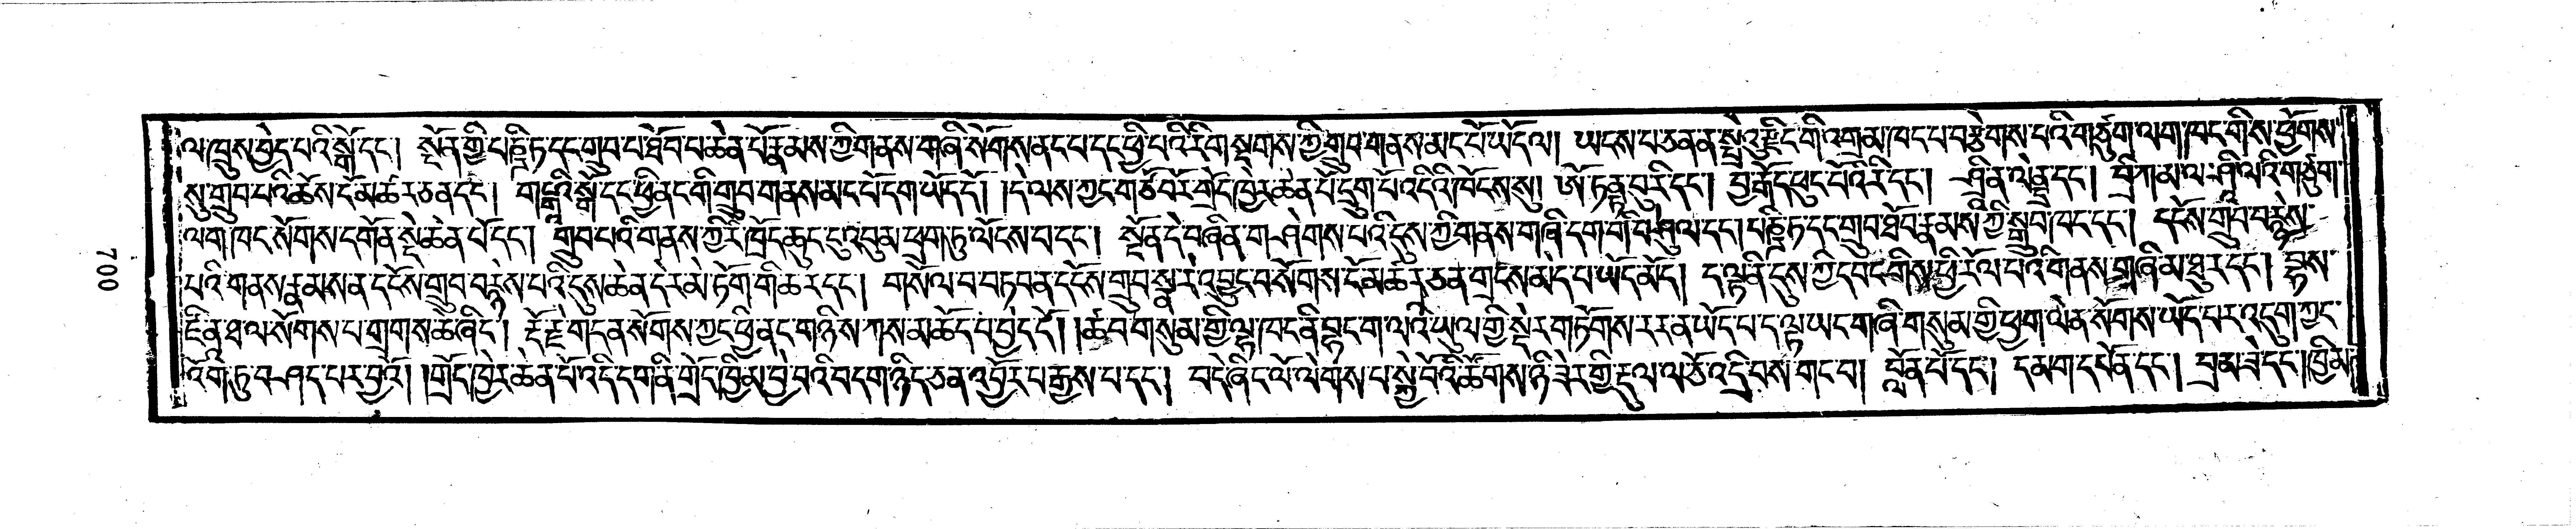ལ་ཁྲུས་བྱེད་པའི་སྒོ་དང་། སྔོན་གྱི་པཎྜི་ཏ་དང་གྲུབ་པ་ཐོབ་པ་ཆེན་པོ་རྣམས་ཀྱི་གནས་གཞི་སོགས་ནང་པ་དང་ཕྱི་པའི་རིག་སྔགས་ཀྱི་གྲུབ་གནས་མང་པོ་ཡོད་ལ། ཡང་པ་ཅན་ན་སྤྲེའུ་རྫིང་གི་འགྲམ་ཁང་པ་བརྩེགས་པའི་གཙུག་ལག་ཁང་གིས་ཕྱོགས་
སུ་གྲུབ་པའི་ཆོས་ངོ་མཚར་ཅན་དང་། གངྒའི་སྒོ་དང་ཕྱི་ནང་གི་གི་གྲུབ་གནས་མང་པོ་དག་ཡོད་དོ། །དེ་ལས་ཀྱང་གཙོ་བོར་གྲོང་ཁྱེར་ཆེན་པོ་དྲུག་པོ་འདིའི་ཁོངས་སུ། ཨོ་ཏཎྟ་བུ་རི་དང་། བྱ་རྒོད་ཕུང་པོའི་རི་དང་། ཤྲཱི་ན་ལེནྡྲ་དང་། བྲིཀ་མ་ལ་ཤཱི་ལའི་གཙུག་
ལག་ཁང་སོགས་དགོན་སྡེ་ཆེན་པོ་དང་། གྲུབ་པའི་གནས་ཀྱི་རི་ཁྲོད་ཆུང་ངུ་འབུམ་ཕྲག་ཏུ་ལོངས་བ་དང་། སྔོན་དེ་བཞིན་གཤེགས་པའི་དུས་ཀྱི་གནས་གཞི་དག་གི་བཤུལ་དང་། པཎྜི་ཏ་དང་གྲུབ་ཐོབ་རྣམས་ཀྱི་སྒྲུབ་ཁང་དང་། དངོས་གྲུབ་བརྙེས་
པའི་གནས་རྣམས་ན་དངོས་གྲུབ་བརྙེས་པའི་དུས་ཆེན་དེར་མེ་ཏོག་གི་ཆར་དང་། གསོལ་བ་བཏབ་ན་དངོས་གྲུབ་སྣ་རེ་འབྱུང་བ་སོགས་ངོ་མཚར་ཅན་གྲངས་མེད་པ་ཡོད་མོད། ད་ལྟ་ནི་དུས་ཀྱི་དབང་གིས་ཕྱི་རོལ་པའི་གནས་གཞི་མ་ཐུར་དང་། བྷས་
ཛི་ནཱ་ཐ་ལ་སོགས་པ་གྲགས་ཆེ་ཞིང་། རྡོ་རྗེ་གདན་སོགས་ཀྱང་ཕྱི་ནང་གཉིས་ཀས་མཆོད་པ་བྱེད་དོ། །ཚ་བ་གསུམ་གྱི་ལྷ་ཁང་ནི་བྷང་ག་ལའི་ཡུལ་གྱི་སྡེར་གཏོགས་རར་ན་ཡོད་པ་ད་ལྟ་ཡང་གཞི་གསུམ་གྱི་ཕྱག་ལེན་སོགས་ཡོད་པར་འདུག་ཀྱང་
འོག་ཏུ་བཤད་པར་བྱའོ། །གྲོང་ཁྱེར་ཆེན་པོ་འདི་དག་ནི་གྲོང་ཁྱིམ་བྱེ་བའི་བདག་ཉིད་ཅན་འབྱོར་པ་རྒྱས་པ་དང་། བདེ་ཞིང་ལོ་ལེགས་པ་སྐྱེ་བོའི་ཚོགས་ཉི་ཟེར་གྱི་རྡུལ་ལ་ཅོ་འདྲི་བས་གང་བ། བློན་པོ་དང་། དམག་དཔོན་དང་། བྲམ་ཟེ་དང་། ཁྱིམ་